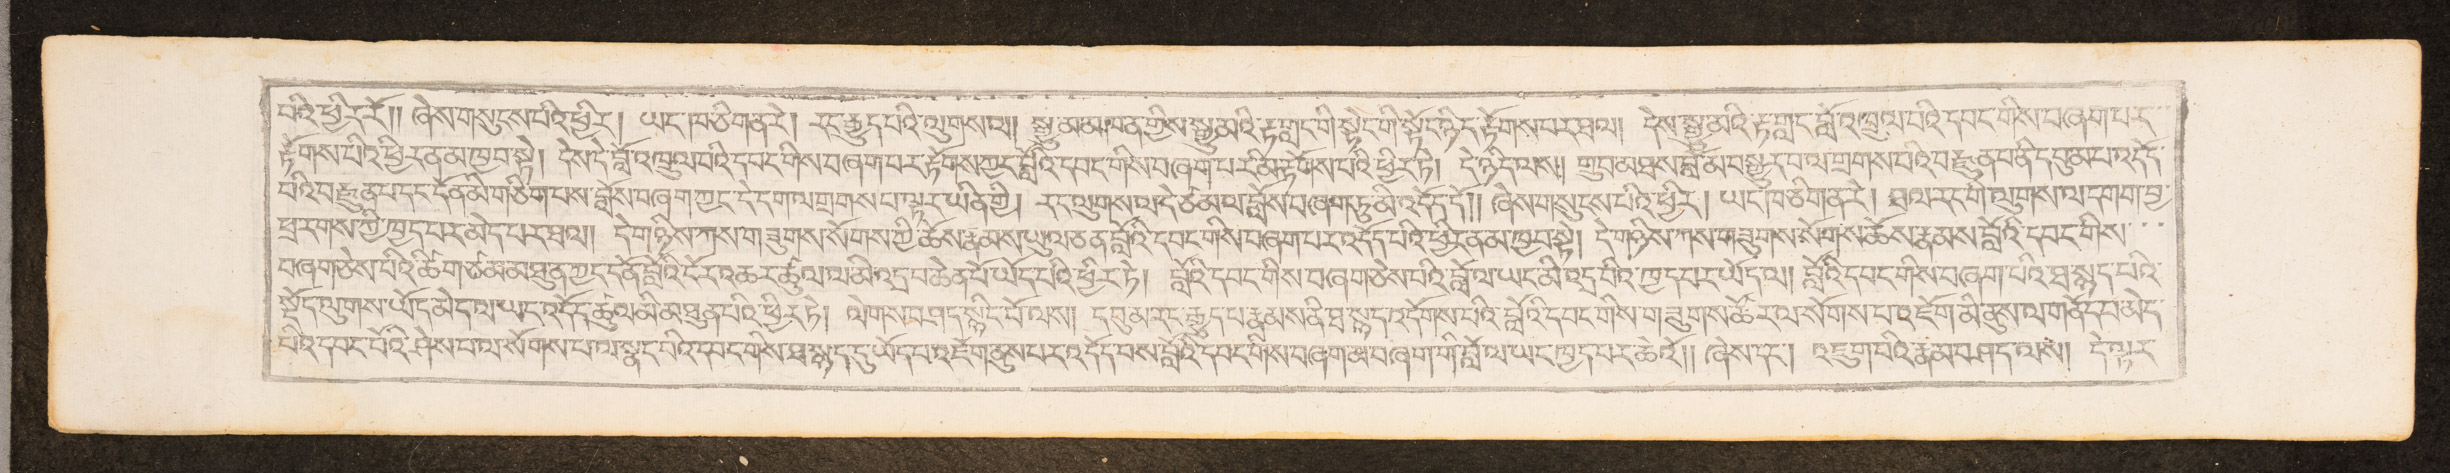།བའི་ཕྱིར་རོ།། ཞེས་གསུངས་པའི་ཕྱིར། ཡང་ཁ་ཅིག་ན་རེ། རང་རྒྱུད་པའི་ལུགས་ལ། སྒྱུ་མ་མཁན་གྱིས་སྒྱུ་མའི་རྟ་གླང་གི་སྟེང་གི་སྟོང་ཉིད་རྟོགས་པར་ཐལ། དེས་སྒྱུ་མའི་རྟ་གླང་བློ་འཁྲུལ་བའི་དབང་གིས་བཞག་པར་
རྟོགས་པའི་ཕྱིར་ན་མ་ཁྱབ་སྟེ། དེས་དེ་བློ་འཁྲུལ་བའི་དབང་གིས་བཞག་པར་རྟོགས་ཀྱང་བློའི་དང་གིས་བཞག་པར་མི་རྟོགས་པའི་ཕྱིར་ཏེ། དེ་ཉིད་ལས། གྲུབ་མཐས་བློ་མ་བསྒྱུར་བ་ལ་གྲགས་པའི་བརྫུན་པ་ནི་དབུ་མ་པ་འདོད་
པའི་བརྫུན་པ་དང་དོན་མི་གཅིག་པས་བློས་བཞག་ཀྱང་དེ་དག་ལ་གྲགས་པ་ལྟར་ཡིན་གྱི། རང་ལུགས་ལ་དེ་ཙམ་ལ་བློས་བཞག་ཏུ་མི་འདོད་དོ།། ཞེས་གསུངས་པའི་ཕྱིར། ཡང་ཁ་ཅིག་ན་རེ། ཡང་ཁ་ཅིག་ན་རེ། ཐལ་རང་གི་ལུགས་ལ་དགག་བྱ་
ཕྲ་རགས་ཀྱི་ཁྱད་པར་མེད་པར་ཐལ། དེ་གཉིས་ཀས་གཟུགས་སོགས་ཀྱི་ཆོས་རྣམས་ཡུལ་ཅན་བློའི་དབང་གིས་བཞག་པར་འདོད་པའི་ཕྱིར་ན་མ་ཁྱབ་སྟེ། དེ་གཉིས་ཀས་གཟུགས་སོགས་ཆོས་རྣམས་བློའི་དབང་གིས་
བཞག་ཅེས་པའི་ཚིག་ཙམ་མཐུན་ཀྱང་དོན་བློའི་ངོར་འཆར་ཚུལ་ལ་མི་འདྲ་བ་ཆེན་པོ་ཡོད་པའི་ཕྱིར་ཏེ། བློའི་དབང་མི་འདྲ་བའི་ཁྱད་པར་ཡོད་ལ། བློའི་དབང་གིས་བཞག་པའི་ཐ་སྙད་པའི་
སྡོད་ལུགས་ཡོད་མེད་ལ་ཡང་འདོད་ཚུལ་མི་མཐུན་པའི་ཕྱིར་ཏེ། ལེགས་བཤད་སྙིང་པོ་ལས། དབུ་མ་རང་རྒྱུད་པ་རྣམས་ནི་ཐ་སྙད་འདོགས་པའི་བློའི་དབང་གིས་གཟུགས་ཚོར་ལ་སོགས་པ་འཇོག་མི་ནུས་ལ་གནོད་པ་མེད་
པའི་དབང་པོའི་ཤེས་པ་ལ་སོགས་པ་ལ་སྣང་བའི་དབང་གིས་ཐ་སྙད་དུ་ཡོད་པ་འཇོག་ནུས་པར་འདོད་པས་བློའི་དབང་གིས་བཞག་མ་བློ་ལ་ཡང་ཁྱད་པར་ཆེའོ།། ཞེ་དང་། འཇུག་པའི་རྣམས་བཤད་ལས། དེ་ལྟར་